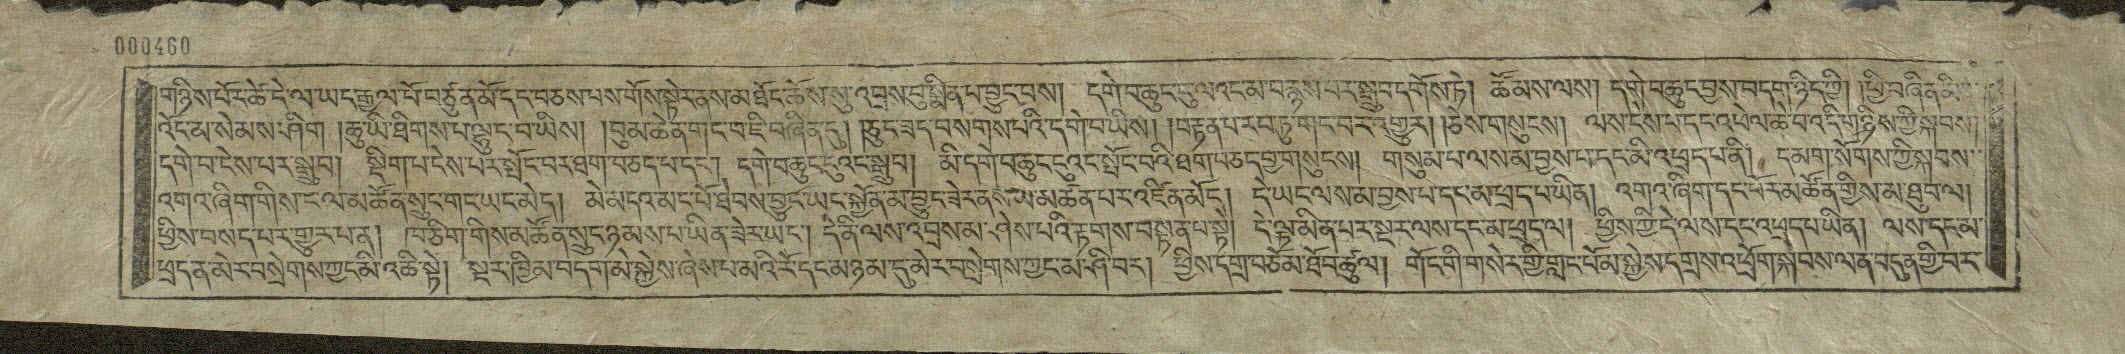གཉིས་པོར་ཚེ་དེ་ལ་ཡང་རྒྱལ་པོ་བཙུན་མོ་དང་བཅས་པས་གོས་སྟེར་ནས་མཐོང་ཆོས་སུ་འབྲས་བུ་སྨིན་པ་བྱུང་བས། དགེ་བ་ཆུང་ངུ་ལའང་མ་བརྙས་པར་སྒྲུབ་དགོས་ཏེ། ཚོམས་ལས། དགེ་བ་ཆུང་བྱས་བདག་ཉིད་ཀྱི། །ཕྱི་བཞིན་མི་
འོང་མ་སེམས་ཤིག་ཆུ་ཡི་ཐིགས་པ་ལྷུང་བ་ཡིས། །བུམ་ཆེན་གང་བ་ཇི་བཞིན་དུ། །ཅུང་ཟད་བསགས་པའི་དགེ་བ་ཡིས། །བརྟན་པ་རབ་ཏུ་གང་བར་འགྱུར། །ཅེས་གསུངས། ལས་ངེས་པ་དང་འཕེལ་ཆེ་བ་འདི་གཉིས་ཀྱི་སྐབས།
དགེ་བ་ངེས་པར་སྒྲུབ། སྡིག་པ་ངེས་པར་སྤོང་བར་ཐག་བཅད་པ་དང་། དགེ་བ་ཆུང་ངུའང་སྒྲུབ། མི་དགེ་བ་ཆུང་ངུའང་སྤོང་བའི་ཐག་བཅད་བྱ་གསུངས། གསུམ་པ་ལས་མ་བྱས་པ་དང་མི་འཕྲད་པ་ནི། དམག་སོགས་ཀྱི་སྐབས་
འགའ་ཞིག་གིས་ང་ལ་མཚོན་སྲུང་གང་ཡང་མེད། མེ་མདའ་མང་པོ་ཐེབས་བྱུང་ཡང་སྐྱོན་མ་བྱུང་ཟེར་ནས་ཡ་མཚན་པར་འཛིན་མོད། དེ་ཡང་ལས་མ་བྱས་པ་དང་མ་ཕྲད་པ་ཡིན། འགའ་ཞིག་དང་པོར་མཚོན་གྱིས་མ་ཐུབ་ལ།
ཕྱིས་བསད་པར་གྱུར་པ་ན། ཁ་ཅིག་གིས་མཚོན་སྲུང་ཉམས་པ་ཡིན་ཟེར་ཡང་། དེ་ནི་ལས་འབྲས་མ་ཤེས་པའི་རྟགས་བསྟན་པ་སྟེ། དེ་ལྟ་མིན་པར་སྔར་ལས་དང་མ་ཕྲད་ལ། ཕྱིས་ཀྱི་དེ་ལས་དང་འཕྲད་པ་ཡིན། ལས་དང་མ་
ཕྲད་ན་མེར་བསྲེགས་ཀྱང་མི་འཆི་སྟེ། སྔར་ཁྱིམ་བདག་མེ་སྐྱེས་ཞེས་པ་མའི་རོ་དང་མཉམ་དུ་མེར་བསྲེགས་ཀྱང་མ་ཤི་བར། ཕྱིས་དགྲ་བཅོམ་ཐོབ་ཚུལ། གོང་གི་གསེར་གྱི་གླང་པོ་མ་སྐྱེས་དགྲས་འཕྲོག་སྐབས་ལན་བདུན་གྱི་བར་